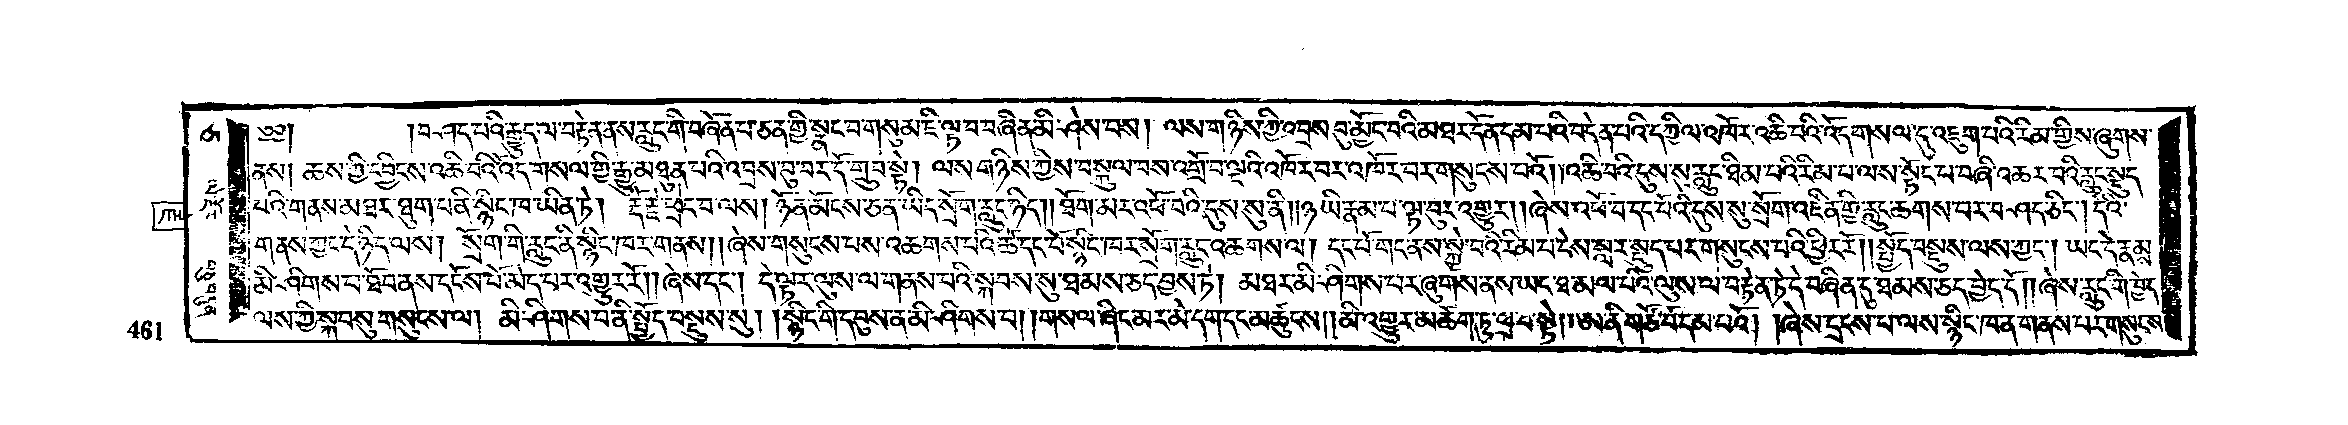༄༅། །བཤད་པའི་རྒྱུད་ལ་བརྟེན་ནས་རླུང་གི་བཞོན་པ་ཅན་གྱི་སྣང་བ་གསུམ་ཇི་ལྟ་བ་བཞིན་མི་ཤེས་པས། ལས་གཉིས་ཀྱི་འབྲས་བུ་མྱོང་བའི་མཐར་དོན་དམ་པའི་བདེན་པའི་དཀྱིལ་འཁོར་འཆི་བའི་འོད་གསལ་དུ་འཇུག་པའི་རིམ་གྱིས་ཞུགས་
ནས། ཆོས་ཀྱི་དབྱིངས་འཆི་བའི་འོད་གསལ་གྱི་རྒྱུ་མཐུན་པའི་འབྲས་བུ་བར་དོ་གྲུབ་སྟེ། ལས་གཉིས་ཀྱིས་བསྐུལ་བས་འགྲོ་བ་ལྔའི་འཁོར་བར་འཁོར་བར་གསུངས་པའོ། །འཆི་བའི་དུས་སུ་རླུང་ཐིམ་པའི་རིམ་པ་ལས་སྟོང་པ་བཞི་འཆར་བའི་རླུང་སྡུད་
པའི་གནས་མཐར་ཐུག་པ་ནི་སྙིང་ཁ་ཡིན་ཏེ། རྡོ་རྗེ་ཕྲེང་བ་ལས། ཉོན་མོངས་ཅན་ཡིད་སྲོག་རླུང་ཉིད། །ཐོག་མར་འཕོ་བའི་དུས་སུ་ནི། །ཉ་ཡི་རྣམ་པ་ལྟ་བུར་འགྱུར། །ཞེས་འཕོ་བ་དང་པོའི་དུས་སུ་སྲོག་འཛིན་གྱི་རླུང་ཆགས་པར་བཤད་ཅིང་། དེའི་
གནས་ཀྱང་དེ་ཉིད་ལས། སྲོག་གི་རླུང་ནི་སྙིང་ཁར་གནས། །ཞེས་གསུངས་པས་འཆགས་པའི་ཚེ་དང་པོ་སྙིང་ཁར་སྲོག་རླུང་འཆགས་ལ། དང་པོ་གང་ནས་སྐྱེ་བའི་རིམ་པ་དེས་སླར་སྡུད་པར་གསུངས་པའི་ཕྱིར་རོ། །སྤྱོད་བསྡུས་ལས་ཀྱང་། ཡང་དེ་རྣམས་
མི་ཤིགས་པ་ཐོབ་ནས་དངོས་པོ་མེད་པར་འགྱུར་རོ། །ཞེས་དང་། དེ་ལྟར་ལུས་ལ་གནས་པའི་སྐབས་སུ་ཐམས་ཅད་བྱས་ཏེ། མཐར་མི་ཤིགས་པར་ཞུགས་ནས་ཡང་ཐ་མལ་པའི་ལུས་ལ་བརྟེན་ཏེ་དེ་བཞིན་དུ་ཐམས་ཅད་བྱེད་དོ། །ཞེས་རླུང་གི་བྱེད་
ལས་ཀྱི་སྐབས་སུ་གསུངས་ལ། མི་ཤིགས་པ་ནི་སྤྱོད་བསྡུས་སུ། །སྙིང་གི་དབུས་ན་མི་ཤིགས་པ། །གསལ་ཞིང་མར་མེ་དག་དང་མཚུངས། །མི་འགྱུར་མཆོག་ཏུ་ཕྲ་བ་སྟེ། །ཨ་ནི་གཙོ་བོ་དམ་པའོ། །ཞེས་དྲངས་པ་ལས་སྙིང་ཁ་ན་གནས་པར་གསུངས་